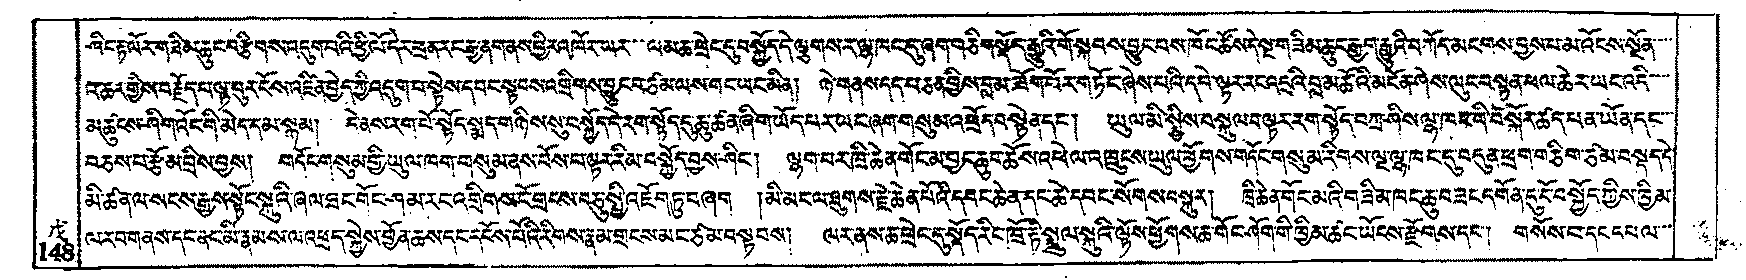ཤིང་རྟ་ལོར་གཟིམ་ཆུང་བརྩིགས་འདུག་པའི་ཕྱི་ལོ་དེར་ཕྲན་རང་རྒྱ་ནག་ནས་ཕྱིར་འཁོར་ཡར་ལམ་ཆ་ཕྲེང་དུ་བསྐྱོད་དེ་ལྕགས་ར་ལྷ་ཁང་དུ་ཞག་གཅིག་སྡོད་རྒྱུའི་གོ་སྐབས་བྱུང་བས་ཁོང་ཚོས་དེ་སྔ་གཟིམ་ཆུང་རྒྱག་རྒྱུའི་བཀོད་མངགས་བྱས་པ་མ་འོངས་སྔོན་
འཆར་གྱིས་བརྗོད་པ་ལྟ་བུར་ངོས་འཛིན་བྱེད་ཀྱི་འདུག་པ་སྟེས་དབང་སྟབས་འགྲིགས་བྱུང་བ་ཙམ་ལས་གང་ཡང་མིན། ཉེ་གནས་དད་པ་ཅན་གྱིས་བླ་མ་ཟོག་པོར་གཏོང་ཞེས་པའི་དཔེ་ལྟར་རང་འདྲའི་བླ་མ་ཚོའི་མངོན་ཤེས་ལུང་བསྟན་ཕལ་ཆེར་ཡང་འདི་
མཚུངས་ཤིག་འོང་གི་མེད་དམ་སྙམ། དེ་ནས་རག་པོ་སྟོད་སྨད་གཉིས་སུ་བསྐྱོད་དེ་རག་སྟོད་དུ་ཆུ་ཚན་ཞིག་ཡོད་པར་ཡང་ཞག་གསུམ་འཕྲོད་བསྟེན་དང་། ཡུལ་མི་སྤྱིས་བསྐུལ་བ་ལྟར་རག་སྟོད་བཀྲ་ཤིས་ལྷ་ཁང་གི་བསྐོར་ཚད་ཕན་ཡོན་དང་
བཅས་པ་རྩོམ་བྲིས་བྱས། གདོང་གསུམ་གྱི་ཡུལ་ཁག་གསུམ་ནས་བོས་པ་ལྟར་རིམ་བསྐྱོད་བྱས་ཤིང་། ལྷག་པར་ཁྲི་ཆེན་གོང་མ་བྱང་ཆུབ་ཆོས་འཕེལ་འཁྲུངས་ཡུལ་ཕྱོགས་གདོང་གསུམ་རིགས་ལྔ་ལྷ་ཁང་དུ་བདུན་ཕྲག་གཅིག་ཙམ་བསྡད་དེ་
མི་ཚན་ལ་སངས་རྒྱས་སྟོང་སྐུའི་ཞལ་ཐང་གོང་ཤམ་རང་འགྲིགས་ངོ་གྲངས་བཅུ་སྤྱི་འཇོག་ཏུ་བཞག །མི་མང་ལ་ཐུགས་རྗེ་ཆེན་པོའི་དབང་ཆེན་དང་ཚེ་དབང་སོགས་བསྐུར། ཁྲི་ཆེན་གོང་མའི་གཟིམ་ཁང་ཆུ་བཟང་དགོན་དུ་ངོ་བསྐྱོད་ཀྱིས་ཁྱིམ་
ལ་རབ་གནས་དང་ནང་མི་རྣམས་ལ་འཕྲད་སྐྱེས་གྱོན་ཆས་དང་དངོས་པོའི་རིགས་རྣམ་གྲངས་མང་ཙམ་བསྟབས། ལར་ནས་ཆ་ཕྲེང་དུ་སྡོད་རིང་ཁྲོ་རྟི་སྤྲུལ་སྐུའི་ལྟོས་ཕྱོགས་ཆ་གོང་ཤོག་གི་ཁྱིམ་ཚང་ཡོངས་རྫོགས་དང་། གསོས་པ་དང་དཔལ་